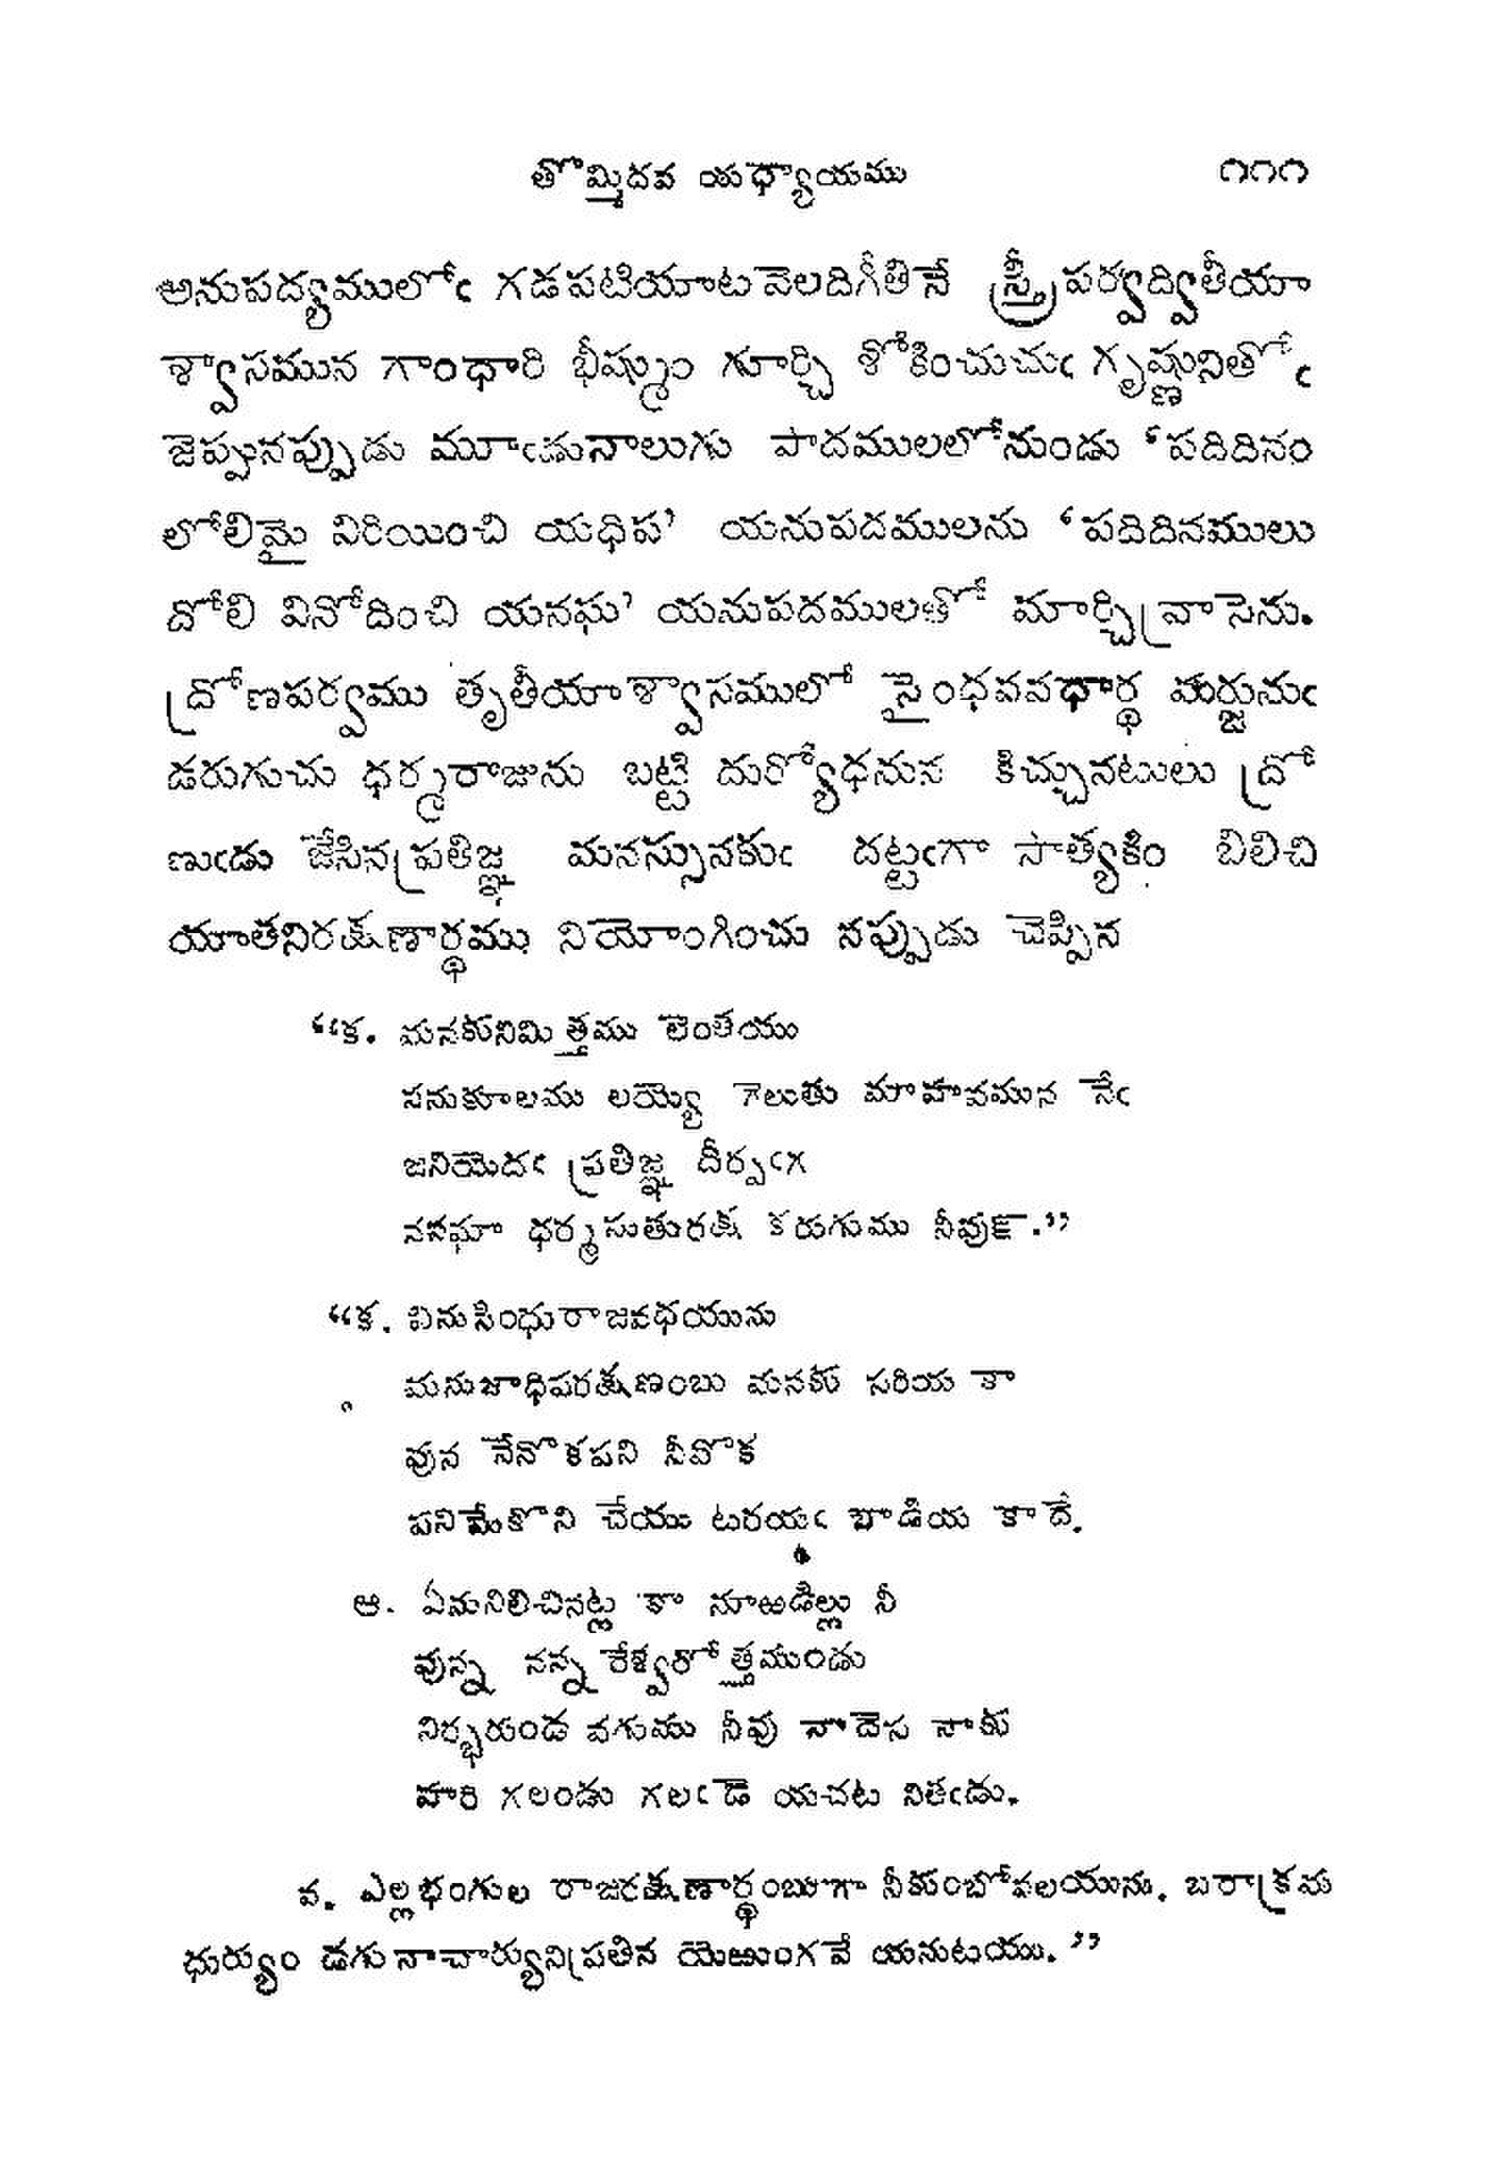అనుపద్యములోఁ గడపటియాటవెలదిగీతినే స్త్రీపర్వద్వితీయాశ్వాసమున గాంధారి భీష్ముం గూర్చి శోకించుచుఁ గృష్ణునితోఁ జెప్పునప్పుడు మూఁడునాలుగు పాదములలోనుండు 'పదిదినం లోలిమై విరియించి యధిప' యనుపదములను 'పదిదినములు దోలి వినోదించి యనఘ' యనుపదములతో మార్చివ్రాసెను. ద్రోణపర్వము తృతీయాశ్వాసములో సైంధవవధార్థ మర్జునుఁ డరుగుచు ధర్మరాజును బట్టి దుర్యోధనున కిచ్చునటులు ద్రోణుఁడు జేసినప్రతిజ్ఞ మనస్సునకుఁ దట్టఁగా సాత్యకిం బిలిచి యాతనిరక్షణార్థము నియోంగించు నప్పుడు చెప్పిన 

"క. మనకునిమిత్తము లెంతయు
 ననుకూలము లయ్యె గెలుతు మాహవమున నేఁ 
 జనియెదఁ ప్రతిజ్ఞ దీర్పఁగ
 ననఘా ధర్మసుతురక్ష కరుగుము నీవు౯," 

"క. వినుసింధురాజవధయును
 మనుజాధిపరక్షణంబు మనకు సరియ కా 
 వున నేనొకపని నీవోక 
 పనిమేకొని చేయు టరయఁ బాడియ కాదే. 

"ఆ. ఏనునిలిచినట్ల కా నూఱడిల్లు నీ 
 వున్న నన్నరేశ్వరోత్తముండు 
 నిర్బరుండ వగుము నీవు నాదెస నాకు
 హరి గలండు గలఁడె యచట నితఁడు. 
వ. ఎల్లభంగుల రాజరక్షణార్థంబుగా నీకుంబోవలయును, బరాక్రమధుర్యుం డగునాచార్యుని ప్రతిన యెఱుంగవే యనుటయు. "